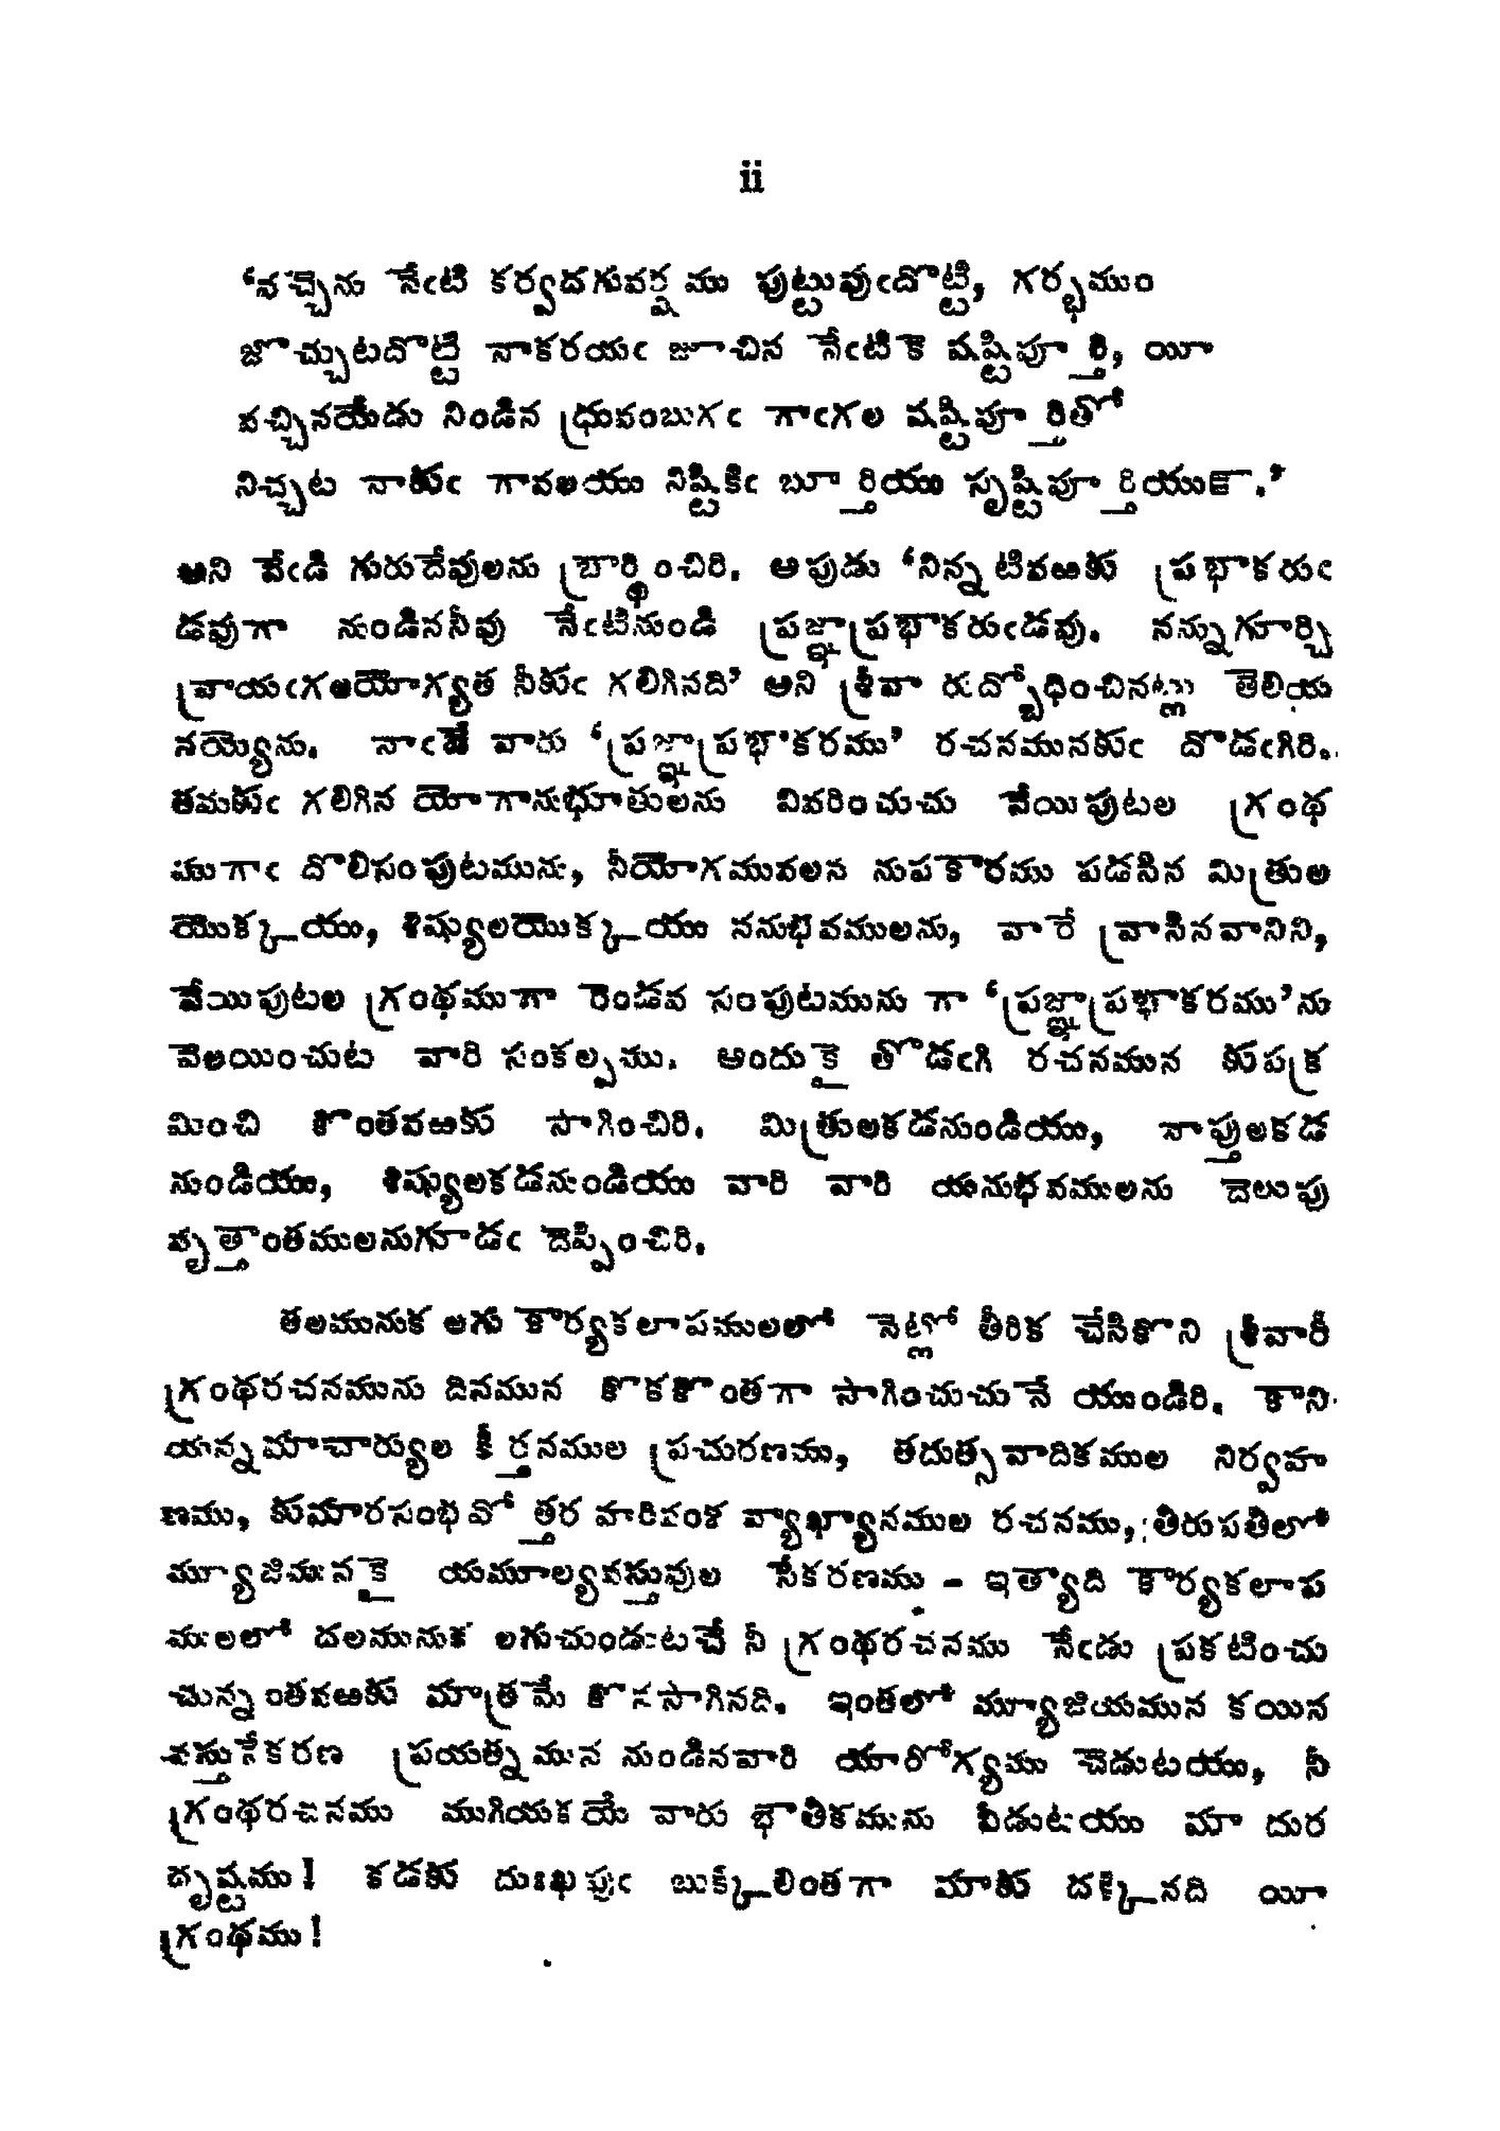' వచ్చెను నేఁటి కర్వదగు వర్షము పుట్టువుఁ దొట్టి, గర్భముం 
 జొచ్చుటదొట్టి నాకరయఁ జూచిన నేఁటి కె షష్టిపూర్తి, యీ 
 వచ్చిన యేడు నిండిన ధ్రువంబుగఁ గాఁ గల షష్టిపూర్తితో 
 నిచ్చట నాకుఁ గావలయు నిష్టికిఁ బూర్తియు సృష్టిపూర్తియున్.'

 
అని వేఁడి గురుదేవులను బ్రార్థించిరి. అపుడు ' నిన్నటివఱకు ప్రభాకరుఁ డవుగా నుండిన నీవు నేఁటి నుండి ప్రజ్ఞా ప్రభాకరుఁడవు. నన్ను గూర్చి వ్రాయఁగలయ్యోగ్యత నీకుఁ గలిగినది 'అనిశ్రీవారుద్బోధించినట్లుతెలియనయ్యెను. నాఁడేవారు' ప్రజ్ఞాప్రభాకరము' రచనమునకుఁదొడఁగిరి. తమకుఁ గలిగిన యోగానుభూతులను వివరించుచు వేయిపుటల గ్రంధముగాఁ దోలిసంపుటమును, నీయోగము వలన నుపకారము పడసిన మిత్రులమొక్కయు, శిష్యులయొక్క యుననుభవములను, వారే వ్రాసిన వానిని, వేయించుట గ్రంధముగా రెండవ సంపుటముగా 'ప్రజ్ఞా ప్రభాకరము'ను వెలయించుట వారి సంకల్పము. అందుకై తొడఁగి రచనము కుపక్రమించి కొంతవఱకు సాగించిరి. మిత్రులకడ నుండియు, నాప్తులకడ నుండియు, శిష్యులకడ నుండియు వారి వారి యనుభవములను దెలుపు వృత్తాంతములను గూడఁ దెప్పించిరి.
 
తలమునుక లగు కార్యకలాపములలో నెట్లో తీరిక చేసికొని శ్రీ వారీ గ్రంధరచనము ను దినమున కొక కొంతగా సాగించుచునే యుండిరి. కాని యన్నమాచార్యుల కిర్తనముల ప్రచురణము, తదుత్సవాదికముల నిర్వహణము, కుమారసంభవో త్తర హరివంశ వ్యాఖ్యానములు రచనము, తిరుపతిలో మ్యూజియమునకై యమూల్యవస్తువుల సేకరణము-ఇత్యాది కార్యకలా ములలో దలమునుక లగుచుండుటచే నీ గ్రంధరచనము నేఁడు ప్రకటించు చున్నంత వఱకు మాత్రమే కొనసాగినది.ఇంతలో మ్యూజియమున కయిన వస్తు సేకరణ ప్రయత్నమున వారు బౌతికమున వీడుటయు మా దుర దృష్టము! కడకు దుఃఖపుఁ బుక్కిలింతగా మాకు దక్కినది యీ గ్రంధము!